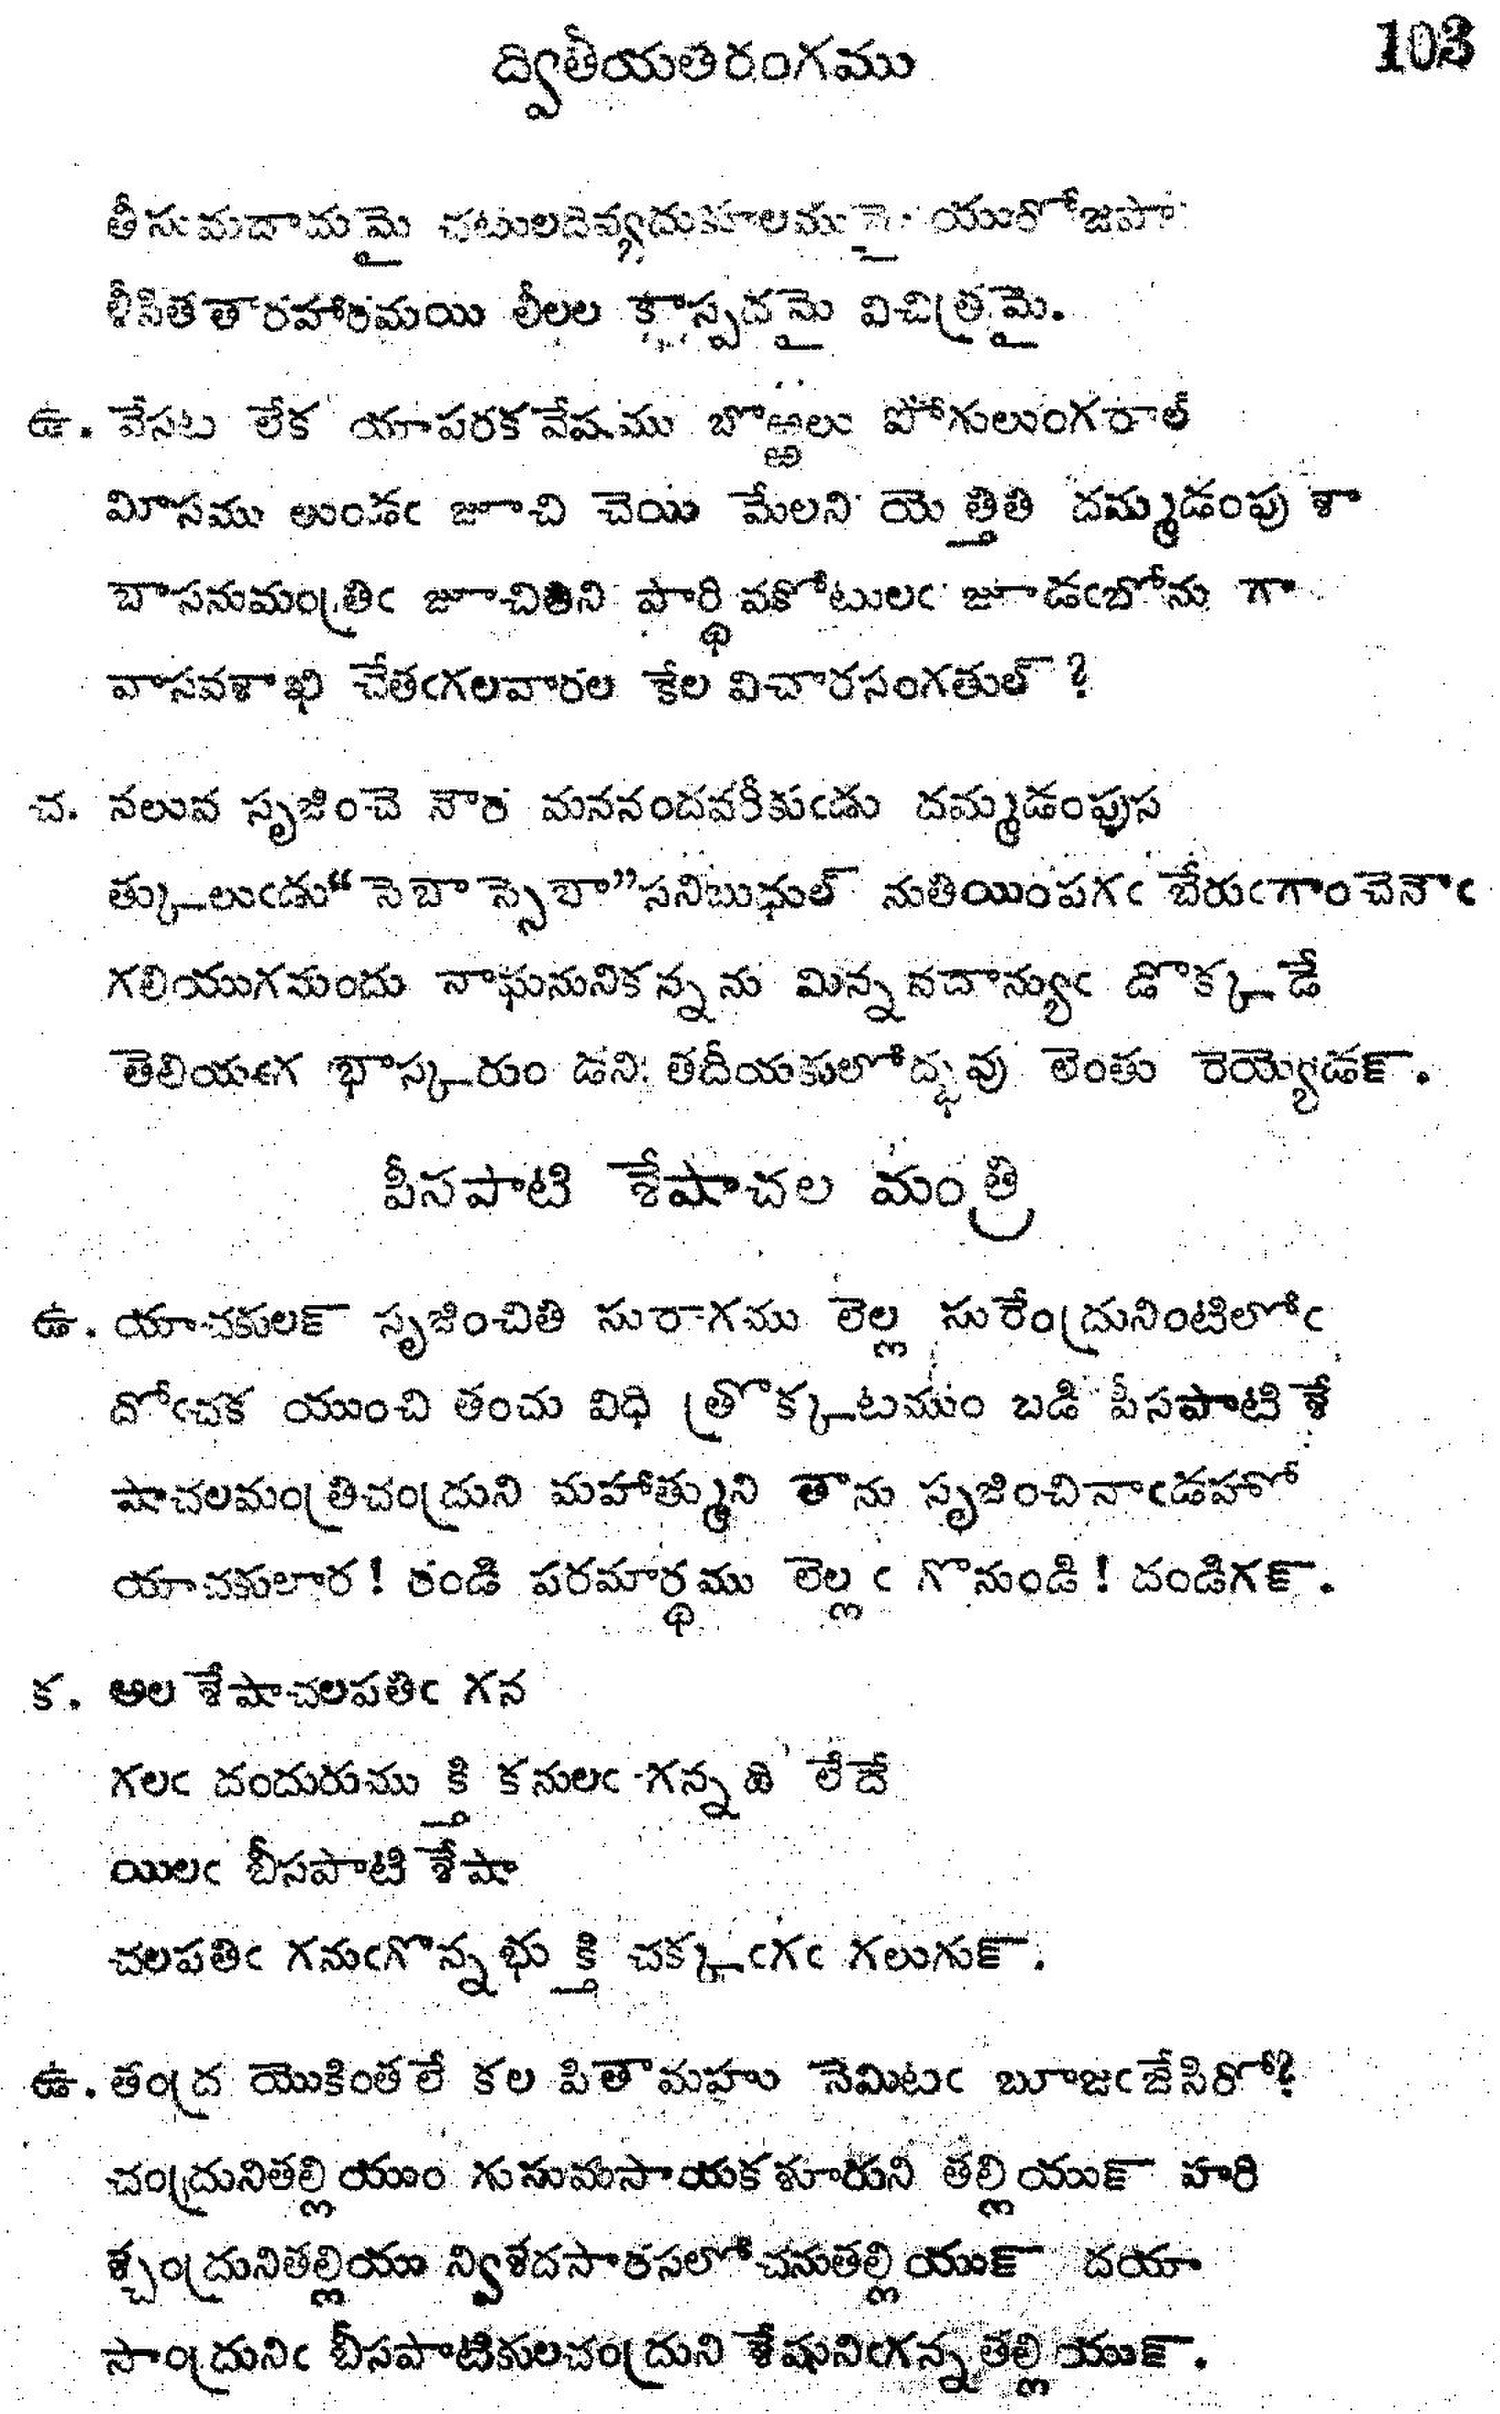తీసుమదామమై చటులదివ్యదుకూలమునై యురాజపా
 ళీసితతారహారమయి లీలల కాస్పదమై విచిత్రమై.

ఉ. వేసట లేక యాపరకవేషము బొఱ్ఱలు పోగులుంగరాల్
 మీసము లుండఁజూచి చెయి మేలని యెత్తితి దమ్మడంపు శా
 బాసనుమంత్రిఁ జూచితిని పార్థివకోటులఁ జూడఁబోను గా
 వాసవశాఖి చేతఁగలవారల కేల విచారసంగతుల్?

చ. నలువ సృజించె నౌర మననందవరీకుఁడు దమ్మడంపుస
 త్కులుడు “సెబాస్సెబా”సని బుధుల్ నుతియింపగఁ బేరుఁగాంచెనౌఁ
 గలియుగమందు నాఘనునికన్నను మిన్నవదాన్యుఁ డొక్కడే
 తెలియఁగ భాస్కరుం డని తదీయకులోద్భవు లెంతు రెయ్యెడన్.

ఉ. యాచకులన్ సృజించితి సురాగము లెల్ల సురేంద్రునింటిలోఁ
 దోఁచక యుంచి తంచు విధి త్రొక్కటముం బడి పీసపాటి శే
 షాచలమంత్రిచంద్రుని మహాత్ముని తాను సృజించినాఁడహో
 యాచకులార! రండి పరమార్థము లెల్లఁ గొనుండి! దండిగన్.

క. అలశేషాచలపతిఁ గన
 గలఁ దందురు ముక్తి కనులఁ గన్నది లేదే
 యిలఁ బీసపాటి శేషా
 చలపతిఁ గనుఁగొన్నభుక్తి చక్కఁగఁ గలుగున్.

ఉ. తంద్ర యొకింతలో కల పితామహీ నేమిటఁ బూజఁజేసిరో?
 చంద్రునితల్లియుం గుసుమసాయకశూరుని తల్లియున్ హరి
 శ్చంద్రునితల్లియు న్విశదసారసలోచనుతల్లియున్ దయా
 సాంద్రునిఁ బీసపాటికులచంద్రుని శేషునిఁగన్నతల్లియున్.